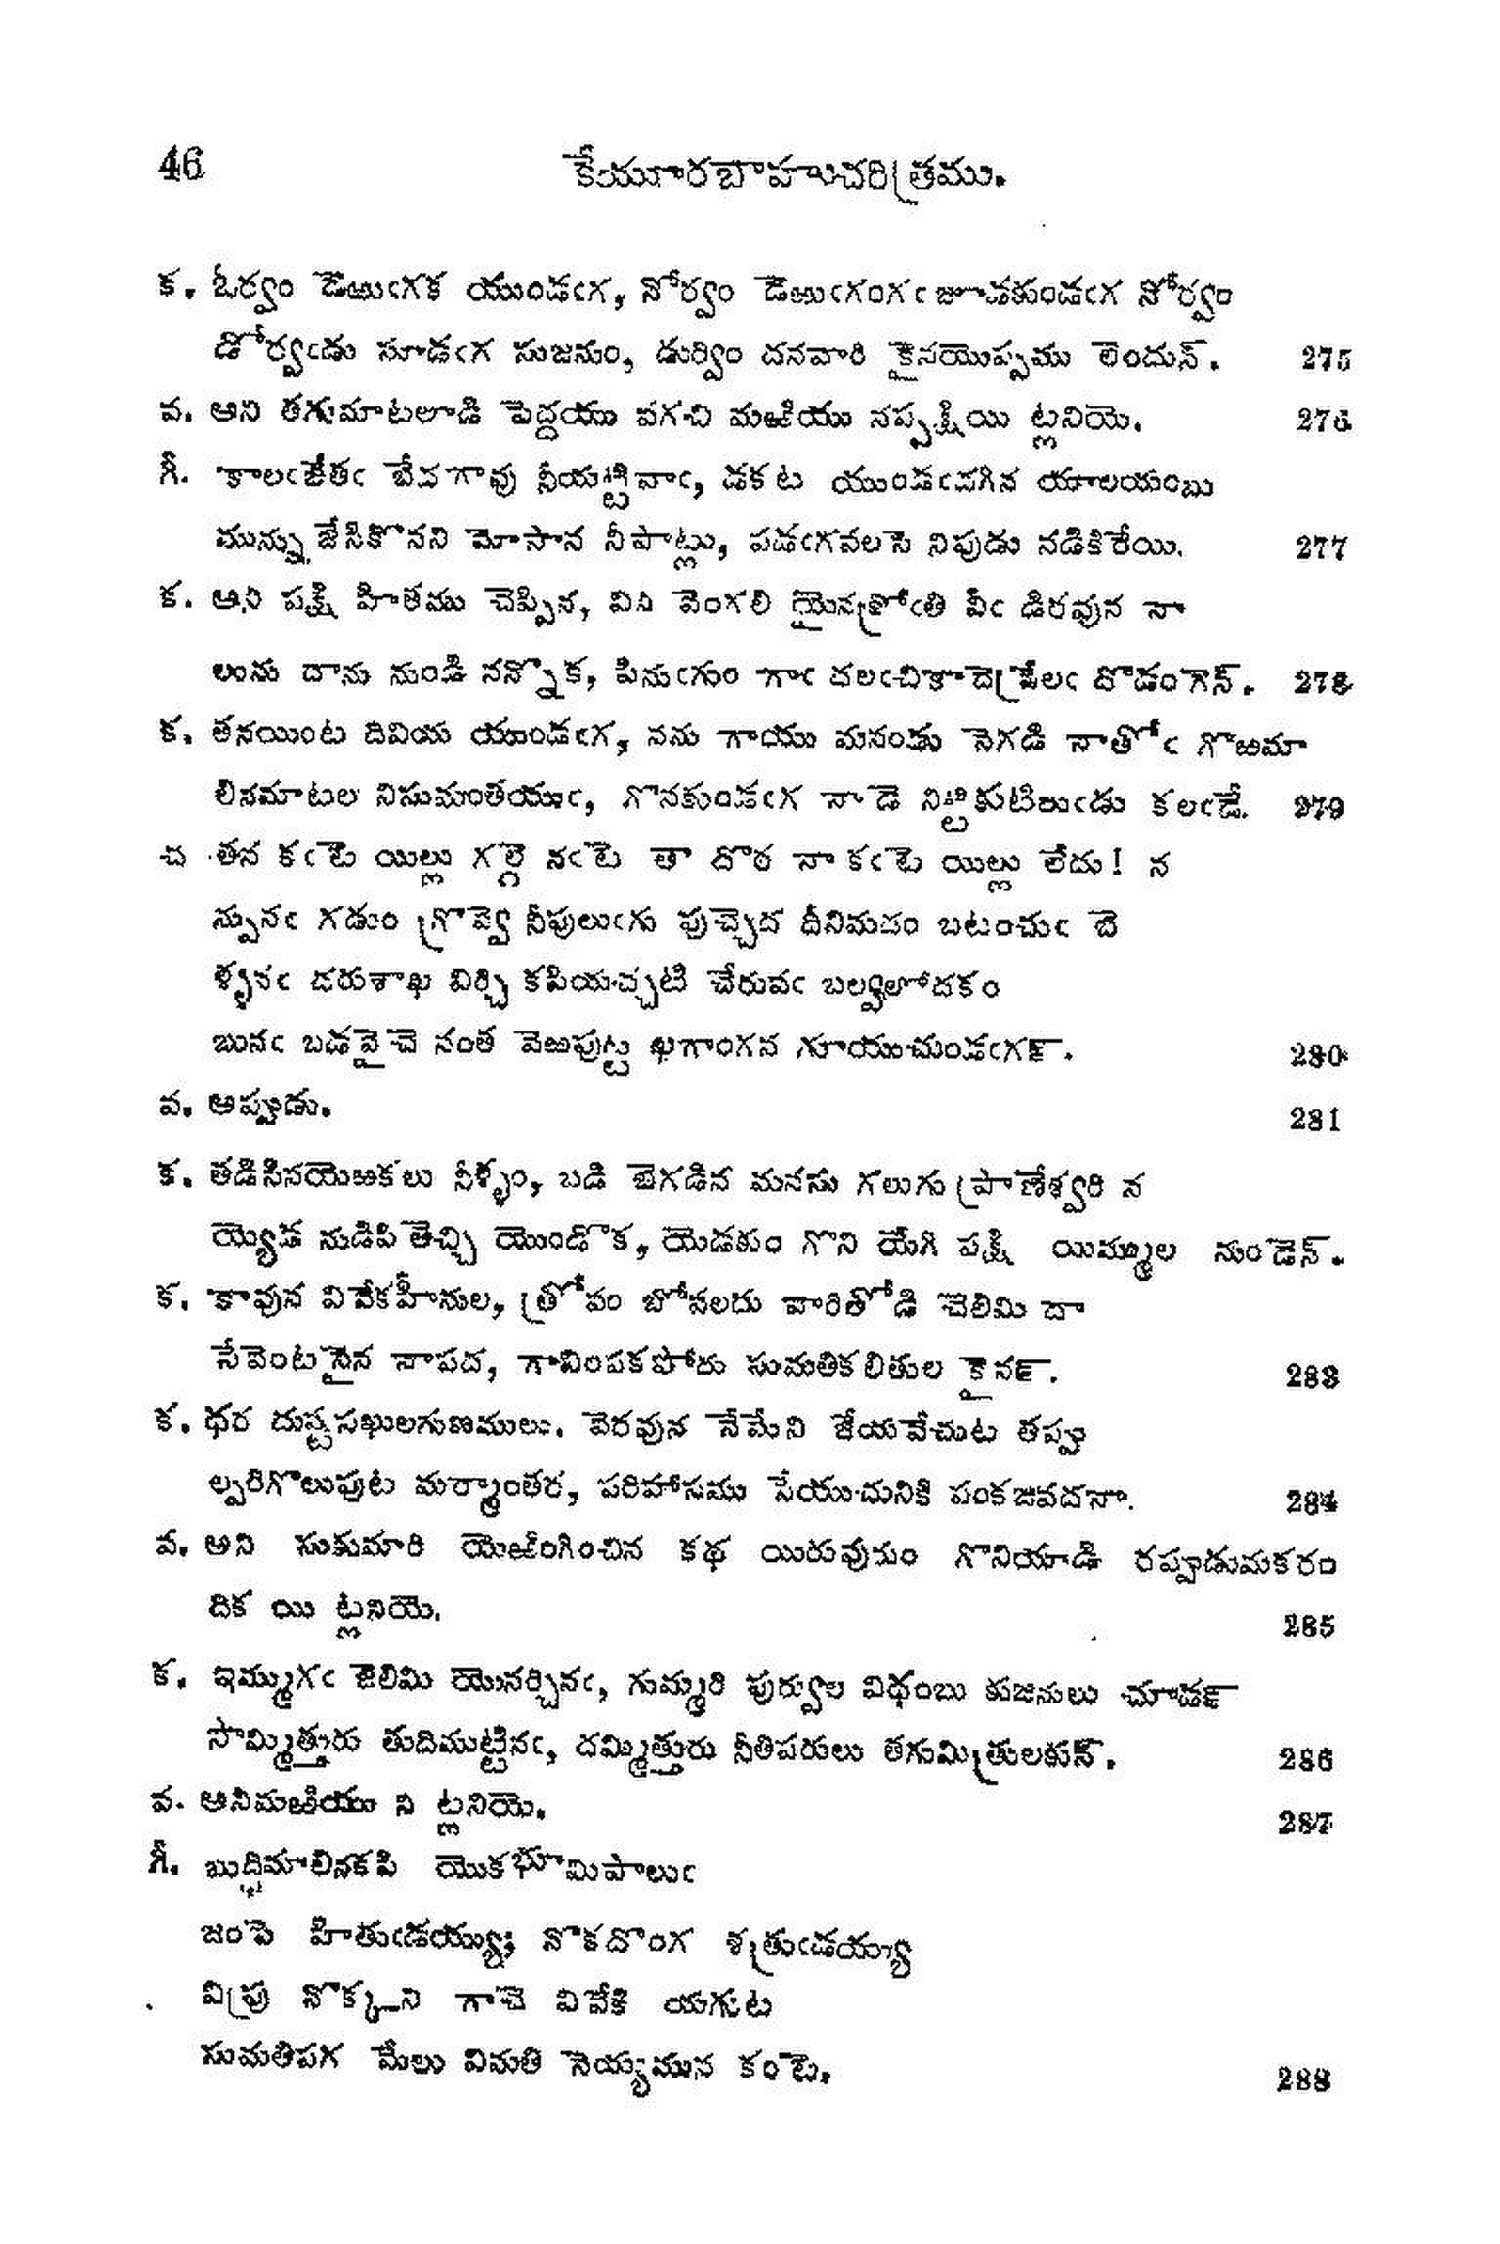క. ఓర్వం డెఱుఁగక యుండఁగ, నోర్వం డెఱుఁగంగఁ జూడకుండఁగ నోర్వం
 డోర్వఁడు సూడఁగ సుజనుం, డుర్విం దనవారి కైనయొప్పము లెందున్.
వ. అని తగుమాటలాడి పెద్దయు వగచి మఱియు నప్పక్షి యి ట్లనియె.
గీ. కాలఁజేతఁ బేదగావు నీయట్టివాఁ, డకట యుండఁదగిన యాలయంబు
 మున్ను జేసికొనని మోసాన నీ పాట్లు, పడఁగవలసె నిపుడు నడికిరేయి.
క. అని పక్షి హితము చెప్పిన, విని వెంగలి యైనక్రోఁతి వీఁ డిరవున నా
 లును దాను నుండి నన్నొక, పినుఁగుం గాఁ దలఁచికాదె వ్రేలఁ దొడంగెన్.
క. తనయింట దివియ యుండఁగ, నను గాయు మనండు నెగడి నాతోఁ గొఱమా
 లినమాటల నిసుమంతయుఁ, గొనకుంకఁగ నాడె నిట్టికుటిలుఁడు కలఁడే.
చ. తన కఁటె యిల్లు గల్గె నఁటె తా దొర నాకఁటె యిల్లు లేదు! న
 న్పునఁ గడుం గ్రొవ్వె నీపులుఁగు పుచ్చెద దీనిమదం బటంచుఁ బె
 ళ్ళనఁ దరుశాఖ విర్చి కపియచ్చటి చేరువఁ బల్వలోదకం
 బునఁ బడవైచె నంత వెఱపుట్ట ఖగాంగన గూయుచుండఁగన్.
వ. అప్పుడు.
క. తడిసినయెఱకలు నీళ్ళం, బడి బెగడిన మనసు గలుగు ప్రాణేశ్వరి న
 య్యెడ నుడిపి తెచ్చి యొండొక, యెడకుం గొని యేగి పక్షి యిమ్ముల నుండెన్.
క. కావున వివేకహీనుల, త్రోవం బోవలదు వారితోడి చెలిమి దా
 నేవెంటనైన నాపద, గావింపకపోదు సుమతికలితుల కైనన్.
క. ధర దుష్టసఖులగుణములు, వెరవున నేమేని జేయవేచుట తప్పు
 ల్పరిగొలుపుట మర్మాంతర, పరిహాసము సేయుచునికి పంకజవదనా.
వ. అని సుకుమారి యెఱింగించిన కథ యిరువురుం గొనియాడి రప్పుడు మకరం
 దిక యి ట్లనియె.
క. ఇమ్ముగఁ జెలిమి యొనర్చినఁ, గుమ్మరిపుర్వులవిధంబు కుజనులు చూడన్
 సొమ్మిత్తురు తుదిముట్టినఁ, దమ్మిత్తురు నీతిపరులు తగుమిత్రులకున్.
వ. అని మఱియు ని ట్లనియె.
గీ. బుద్ధిమాలినకపి యొక భూమిపాలుఁ
 జంపె హితుఁడయ్యు, నొకదొంగ శత్రుఁడయ్యె
 విప్రునొక్కని గాచె వివేకి యగుట
 సుమతిపగ మేలు విమతి నెయ్యమున కంటె.